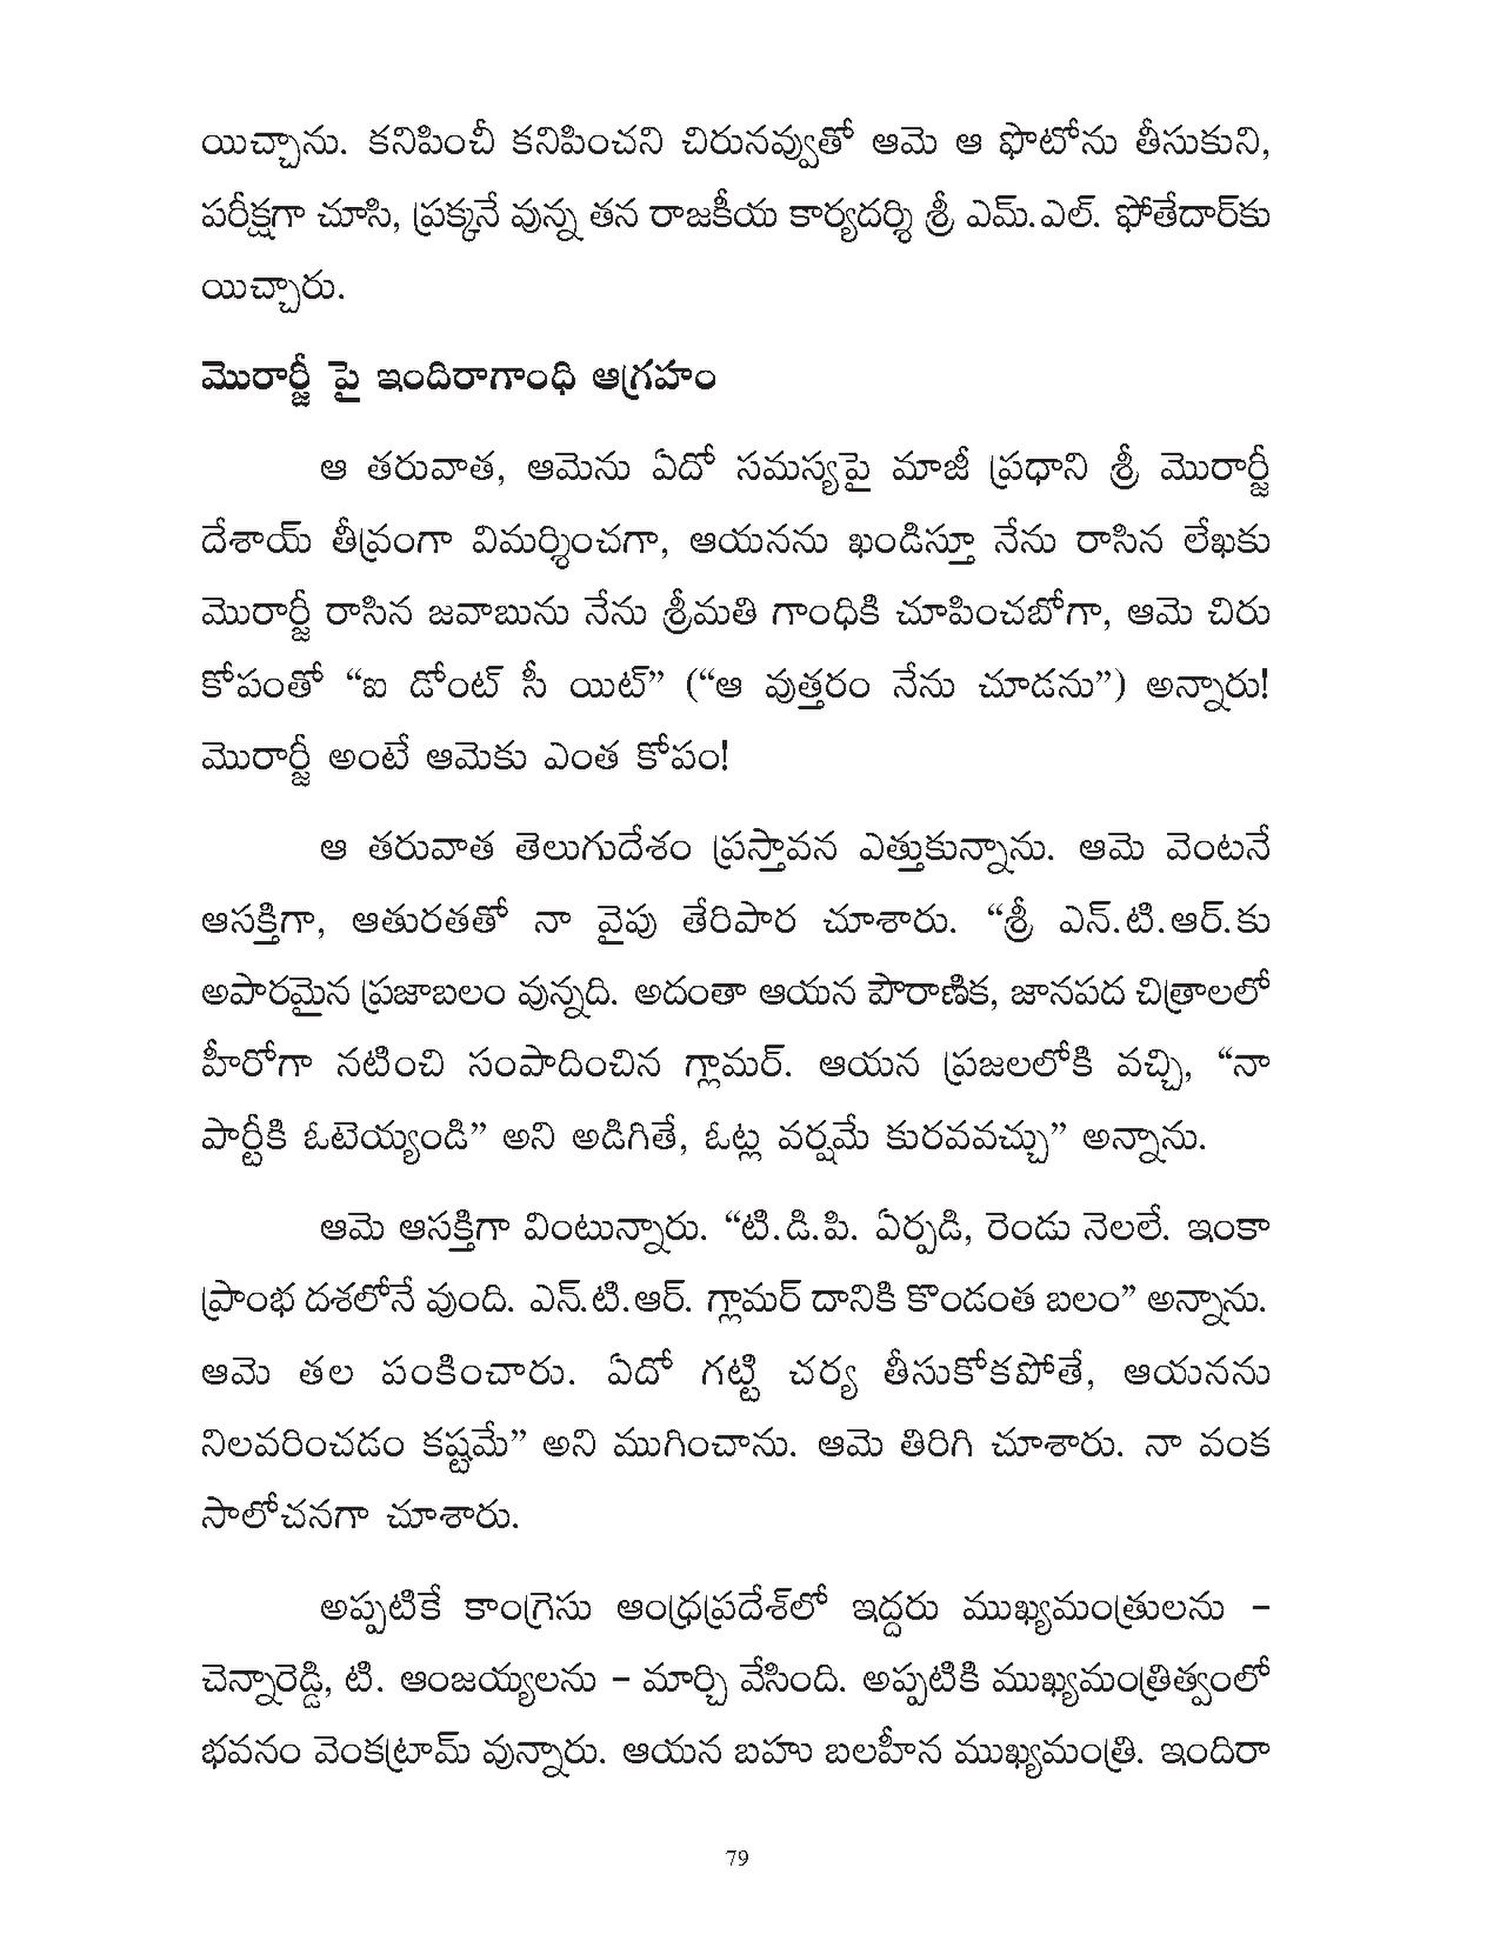యిచ్చాను. కనిపించీ కనిపించని చిరునవ్వుతో ఆమె ఆ ఫొటోను తీసుకుని,
పరీక్షగా చూసి, ప్రక్కనే వున్న తన రాజకీయ కార్యదర్శి శ్రీ ఎమ్‌.ఎల్‌. ఫోతేదార్‌కు
యిచ్చారు.

మొరార్జీ పై ఇందిరాగాంధి ఆగ్రహం

ఆ తరువాత, ఆమెను ఏదో సమస్యపై మాజీ ప్రధాని శ్రీ మొరార్జీ
దేశాయ్ తీవ్రంగా విమర్శించగా, ఆయనను ఖండిస్తూ నేను రాసిన లేఖకు
మొరార్జీ రాసిన జవాబును నేను శ్రీమతి గాంధికి చూపించబోగా, ఆమె చిరు
కోపంతో "ఐ డోంట్‌ సీ యిట్‌" ("ఆ వుత్తరం నేను చూడను") అన్నారు!
మొరార్జీ అంటే ఆమెకు ఎంత కోపం!

ఆ తరువాత తెలుగుదేశం ప్రస్తావన ఎత్తుకున్నాను. ఆమె వెంటనే
ఆసక్తిగా, ఆతురతతో నా వైపు తేరిపార చూశారు. "శ్రీ ఎన్‌.టి.ఆర్‌.కు
అపారమైన ప్రజాబలం వున్నది. అదంతా ఆయన పౌరాణిక, జానపద చిత్రాలలో
హీరోగా నటించి సంపాదించిన గ్లామర్‌. ఆయన ప్రజలలోకి వచ్చి, "నా
పార్టీకి ఓటెయ్యండి" అని అడిగితే, ఓట్ల వర్షమే కురవవచ్చు" అన్నాను.

ఆమె ఆసక్తిగా వింటున్నారు. "టి.డి.పి. ఏర్పడి, రెండు నెలలే. ఇంకా
ప్రాంభ దశలోనే వుంది. ఎన్‌.టి.ఆర్‌. గ్లామర్‌ దానికి కొండంత బలం" అన్నాను.
ఆమె తల పంకించారు. ఏదో గట్టి చర్య తీసుకోకపోతే, ఆయనను
నిలవరించడం కష్టమే" అని ముగించాను. ఆమె తిరిగి చూశారు. నా వంక
సాలోచనగా చూశారు.

అప్పటికే కాంగ్రెసు ఆంధ్రప్రదేశ్‌లో ఇద్దరు ముఖ్యమంత్రులను -
చెన్నారెడ్డి, టి. ఆంజయ్యలను - మార్చి వేసింది. అప్పటికి ముఖ్యమంత్రిత్వంలో
భవనం వెంకట్రామ్‌ వున్నారు. ఆయన బహు బలహీన ముఖ్యమంత్రి. ఇందిరా